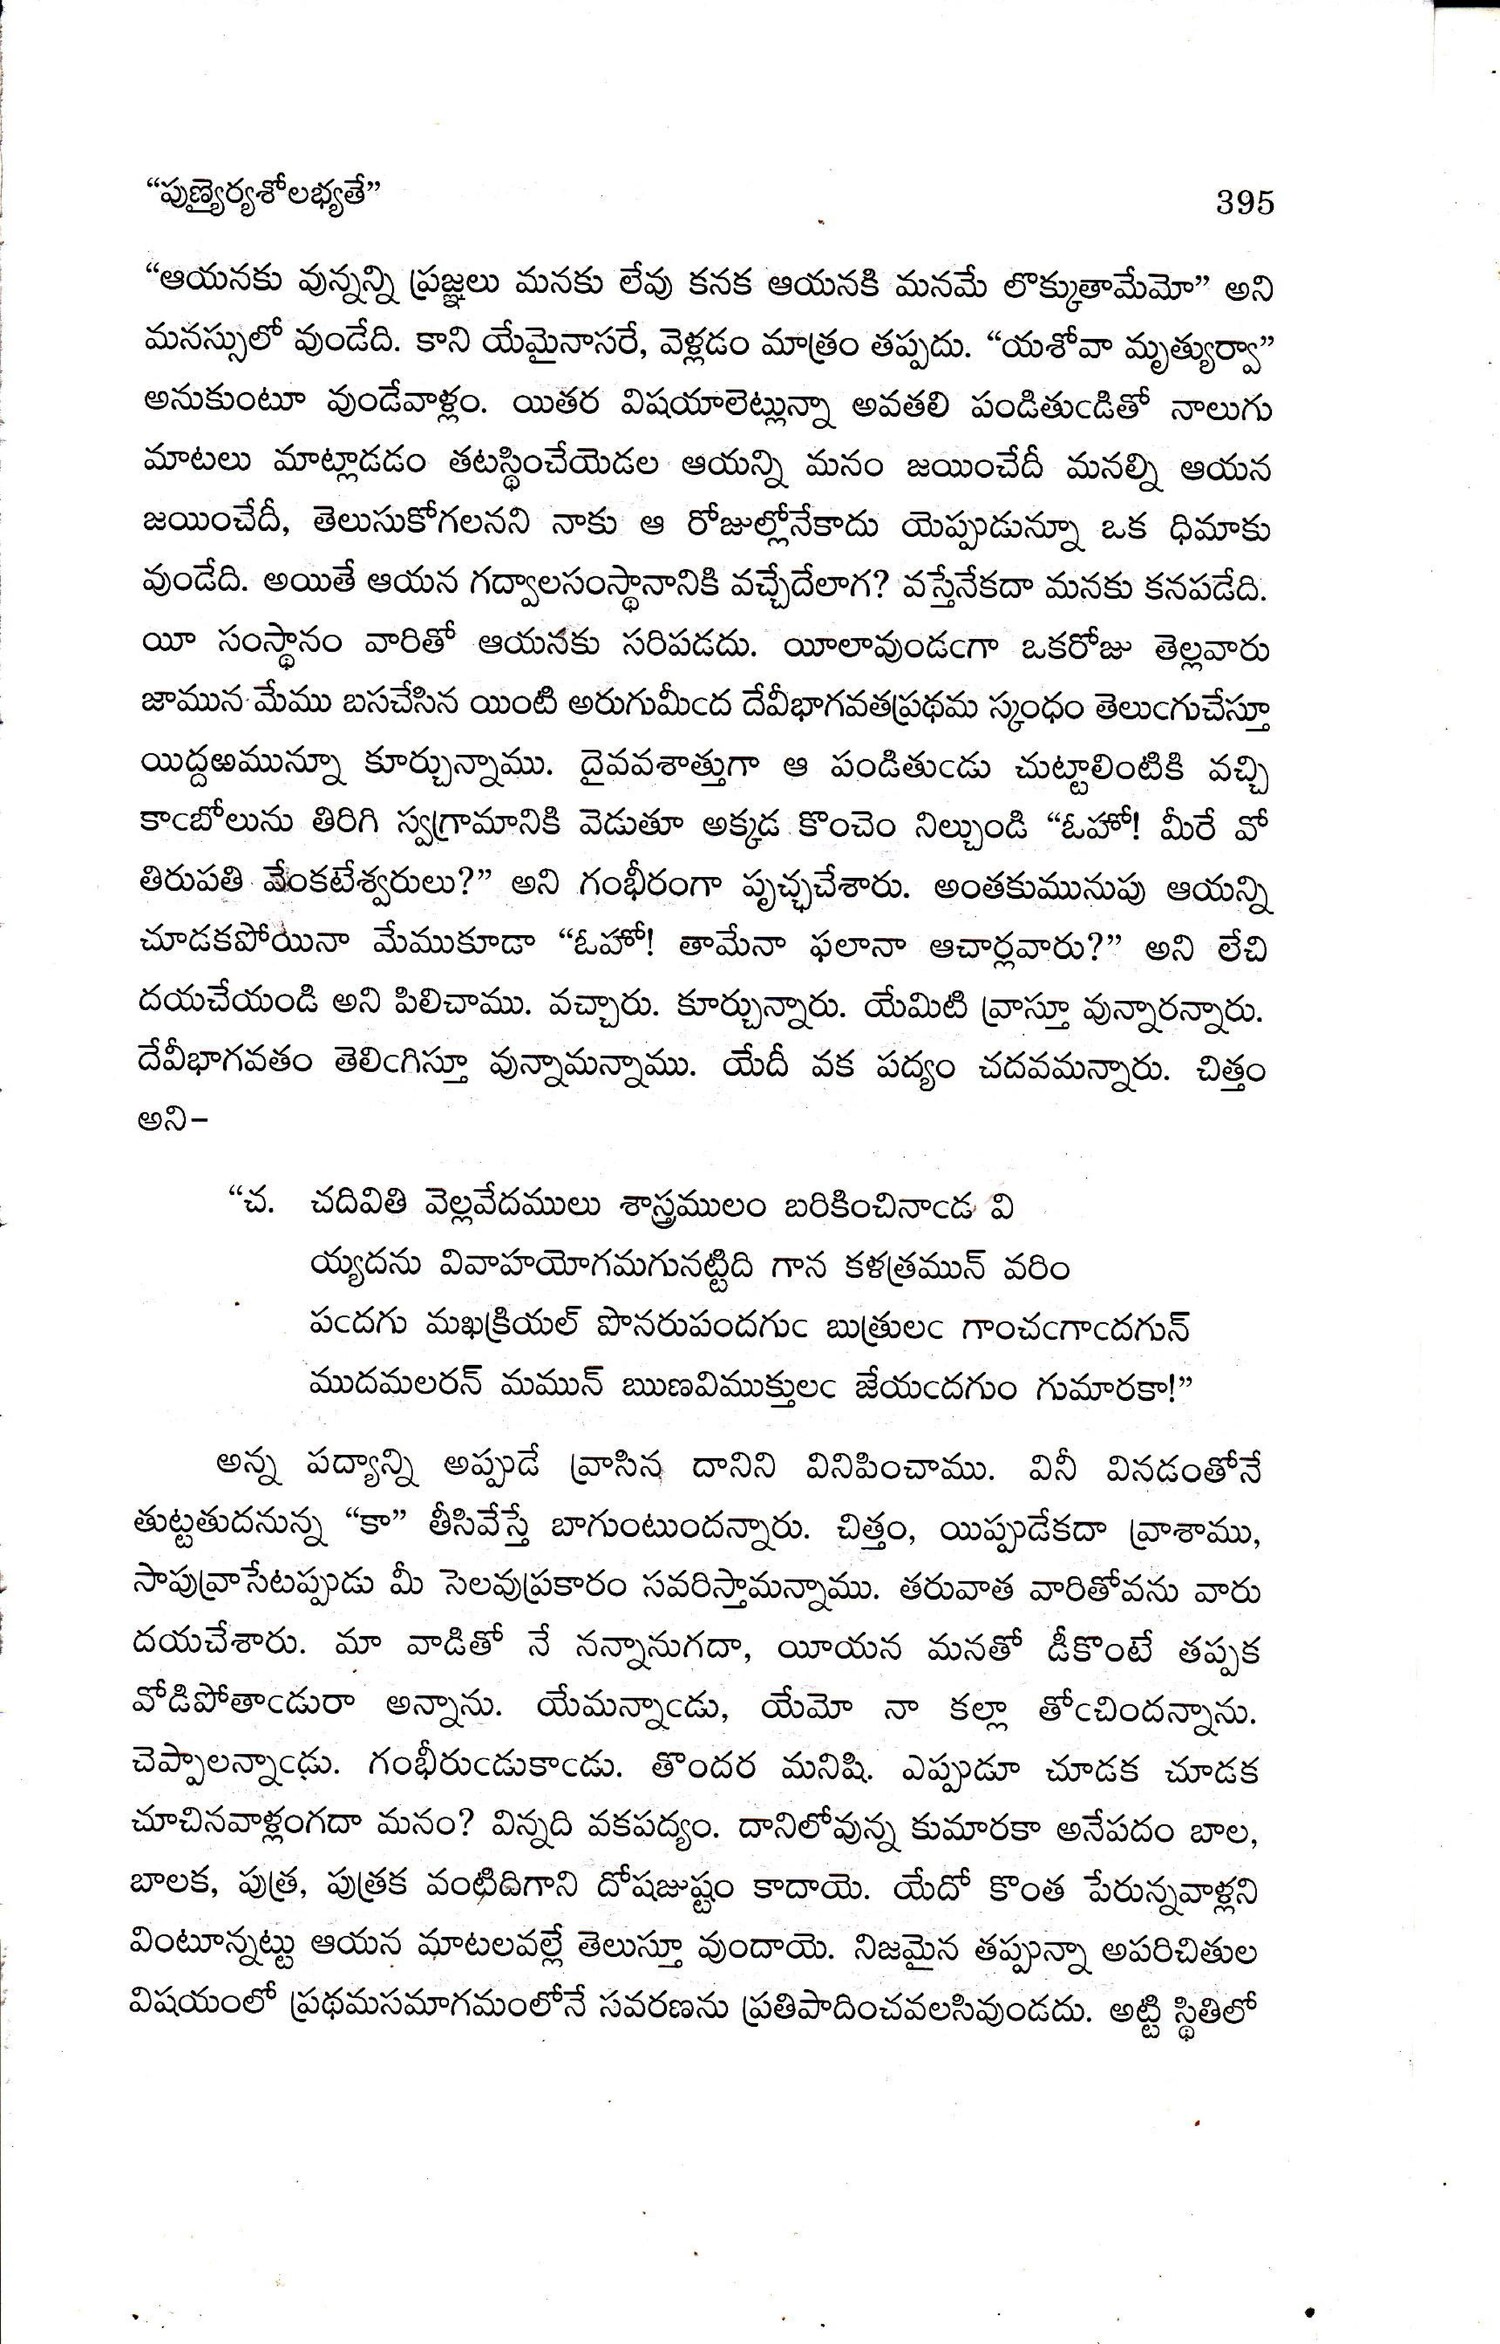“ఆయనకు వున్నన్ని ప్రజ్ఞలు మనకు లేవు కనక ఆయనకి మనమే లొక్కుతామేమో" అని మనస్సులో వుండేది. కాని యేమైనాసరే, వెళ్లడం మాత్రం తప్పదు. “యశోవా మృత్యుర్వా" అనుకుంటూ వుండేవాళ్లం. యితర విషయాలెట్లున్నా అవతలి పండితుcడితో నాలుగు మాటలు మాట్లాడడం తటస్థించేయెడల ఆయన్ని మనం జయించేదీ మనల్ని ఆయన జయించేదీ, తెలుసుకోగలనని నాకు ఆ రోజుల్లోనేకాదు యెప్పుడున్నూ ఒక ధిమాకు వుండేది. అయితే ఆయన గద్వాలసంస్థానానికి వచ్చేదేలాగ? వస్తేనేకదా మనకు కనపడేది. యీ సంస్థానం వారితో ఆయనకు సరిపడదు. యీలావుండఁగా ఒకరోజు తెల్లవారు జామున మేము బసచేసిన యింటి అరుగుమీఁద దేవీభాగవతప్రథమ స్కంధం తెలుఁగుచేస్తూ యిద్దఱమున్నూ కూర్చున్నాము. దైవవశాత్తుగా ఆ పండితుఁడు చుట్టాలింటికి వచ్చి కాఁబోలును తిరిగి స్వగ్రామానికి వెడుతూ అక్కడ కొంచెం నిల్చుండి "ఓహో! మీరే వో తిరుపతి వేంకటేశ్వరులు?” అని గంభీరంగా పృచ్చచేశారు. అంతకుమునుపు ఆయన్ని చూడకపోయినా మేముకూడా “ఓహో! తామేనా ఫలానా ఆచార్లవారు?” అని లేచి దయచేయండి అని పిలిచాము. వచ్చారు. కూర్చున్నారు. యేమిటి వ్రాస్తూ వున్నారన్నారు. దేవీభాగవతం తెలిఁగిస్తూ వున్నామన్నాము. యేదీ వక పద్యం చదవమన్నారు. చిత్తం అని-

“చ. చదివితి వెల్లవేదములు శాస్త్రములం బరికించినాఁడ వి
 య్యదను వివాహయోగమగునట్టిది గాన కళత్రమున్ వరిం 
 పదగు మఖక్రియల్ పొనరుపందగుఁ బుత్రులఁ గాంచఁగాఁదగున్ 
 ముదమలరన్ మమున్ ఋణవిముక్తులఁ జేయఁదగుం గుమారకా!"
అన్న పద్యాన్ని అప్పుడే వ్రాసిన దానిని వినిపించాము. వినీ వినడంతోనే తుట్టతుదనున్న "కా" తీసివేస్తే బాగుంటుందన్నారు. చిత్తం, యిప్పడేకదా వ్రాశాము, సాపు వ్రాసేటప్పుడు మీ సెలవుప్రకారం సవరిస్తామన్నాము. తరువాత వారితోవను వారు దయచేశారు. మా వాడితో నే నన్నానుగదా, యీయన మనతో డీకొంటే తప్పక వోడిపోతాఁడురా అన్నాను. యేమన్నాఁడు, యేమో నా కల్లా తోఁచిందన్నాను. చెప్పాలన్నాఁడు. గంభీరుఁడుకాఁడు. తొందర మనిషి ఎప్పుడూ చూడక చూడక చూచినవాళ్లంగదా మనం? విన్నది వకపద్యం. దానిలోవున్న కుమారకా అనేపదం బాల, బాలక, పుత్ర, పుత్రక వంటిదిగాని దోషజుష్టం కాదాయె. యేదో కొంత పేరున్నవాళ్లని వింటూన్నట్టు ఆయన మాటలవల్లే తెలుస్తూ వుందాయె, నిజమైన తప్పన్నా అపరిచితుల విషయంలో ప్రథమసమాగమంలోనే సవరణను ప్రతిపాదించవలసివుండదు. అట్టి స్థితిలో